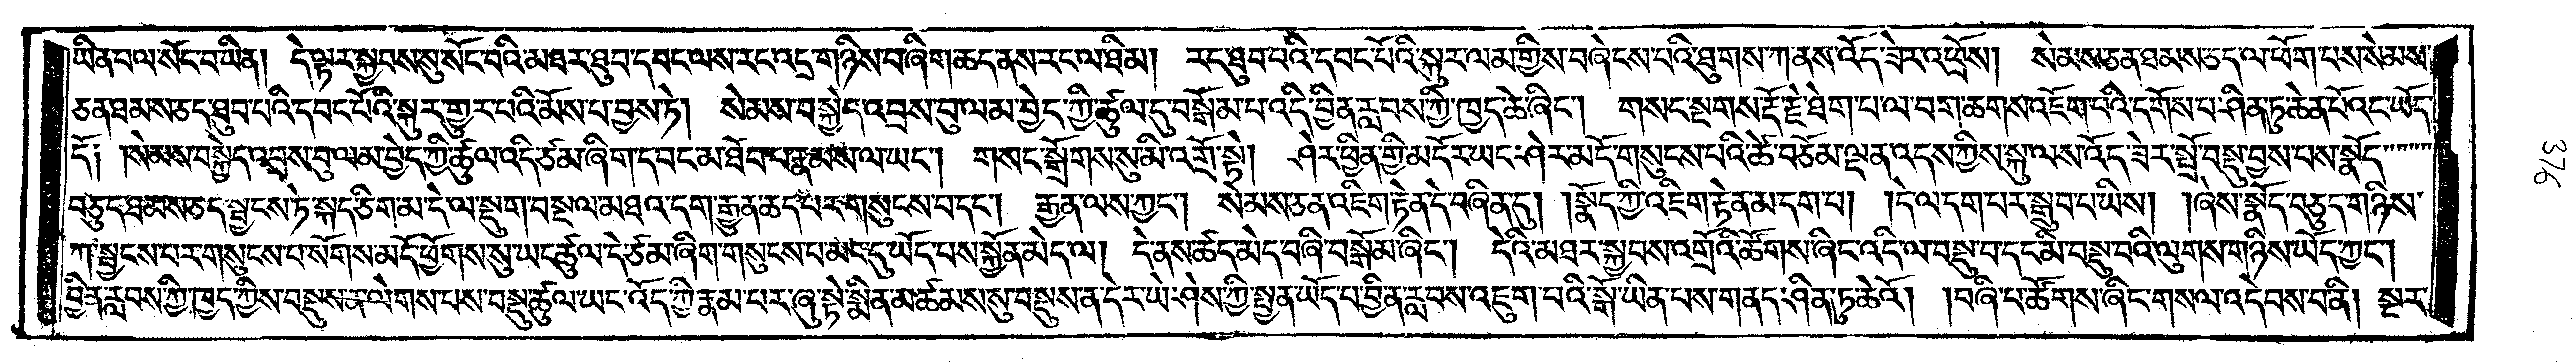ཡིན་པ་ལ་སོང་བ་ཡིན། དེ་ལྟར་སྐྱབས་སུ་སོང་བའི་མཐར་ཐུབ་དབང་ལས་རང་འདྲ་གཉིས་པ་ཞིག་ཆད་ནས་རང་ལ་ཐིམ། རང་ཐུབ་པའི་དབང་པོའི་སྐུར་ལམ་གྱིས་བཞེངས་པའི་ཐུགས་ཀ་ནས་འོད་ཟེར་འཕྲོས། སེམས་ཅན་ཐམས་ཅད་ལ་ཕོག་པས་སེམས་
ཅན་ཐམས་ཅད་ཐུབ་པའི་དབང་པོའི་སྐུར་གྱུར་པའི་མོས་པ་བྱས་ཏེ། སེམས་བསྐྱེད་འབྲས་བུ་ལམ་བྱེད་ཀྱི་ཚུལ་དུ་བསྒོམ་པ་འདི་བྱིན་རླབས་ཀྱི་ཁྱད་ཆེ་ཞིང་། གསང་སྔགས་རྡོ་རྗེ་ཐོག་པ་ལ་བག་ཆགས་འཇོག་བའི་དགོས་པ་ཤིན་ཏུ་ཆེན་པོའང་ཡོད་
དོ༑ །སེམས་བསྐྱེད་འབྲས་བུ་ལམ་བྱེད་ཀྱི་ཚུལ་འདི་ཙམ་ཞིག་དབང་མ་ཐོབ་པ་རྣམས་ལ་ཡང་། གསང་སྒྲོགས་སུ་མི་འགྲོ་སྟེ། ཤེར་ཕྱིན་གྱི་མདོར་ཡང་ཤེར་མདོ་གསུངས་པའི་ཚེ་བཅོམ་ལྡན་འདས་ཀྱིས་སྐུ་ལས་འོད་ཟེར་སྤྲོ་བསྡུ་བྱས་པས་སྣོད་
བཅུད་ཐམས་ཅད་སྦྱངས་ཏེ་སྐད་ཅིག་མ་དེ་ལ་སྡུག་བསྔལ་མཐའ་དག་རྒྱུན་ཆད་པར་གསུངས་པ་དང་། རྒྱན་ལས་ཀྱང་། སེམས་ཅན་འཇིག་རྟེན་དེ་བཞིན་དུ། །སྣོད་ཀྱི་འཇིག་རྟེན་མ་དག་པ། །དེ་ལ་དག་པར་སྒྲུབ་པ་ཡིས། །ཞེས་སྣོད་བཅུད་གཉིས་
ཀ་སྦྱངས་པར་གསུངས་པ་སོགས་མདོ་ཕྱོགས་སུ་ཡང་ཚུལ་དེ་ཙམ་ཞིག་གསུངས་པ་མང་དུ་ཡོད་པས་སྐྱོན་མེད་ལ། དེ་ནས་ཚད་མེད་བཞི་བསྒོམ་ཞིང་། དེའི་མཐར་སྐྱབས་འགྲོའི་ཆོགས་ཞིང་འདི་ལ་བསྡུ་བ་དང་མི་བསྡུ་བའི་ལུགས་གཉིས་ཡོད་ཀྱང་།
བྱིན་རླབས་ཀྱི་ཁྱད་ཀྱིས་བསྡུས་ན་ལེགས་པས་བསྡུ་ཚུལ་ཡང་འོད་ཀྱི་རྣམ་པར་ཞུ་སྟེ་སྨིན་མཚམས་སུ་བསྡུས་ན་དེར་ཡེ་ཤེས་ཀྱི་སྤྱན་ཡོད་པ་བྱིན་རླབས་འཇུག་པའི་སྒོ་ཡིན་པས་གནད་ཤིན་ཏུ་ཆེའོ། །བཞི་པ་ཚོགས་ཞིང་གསལ་འདེབས་པ་ནི། སྔར་